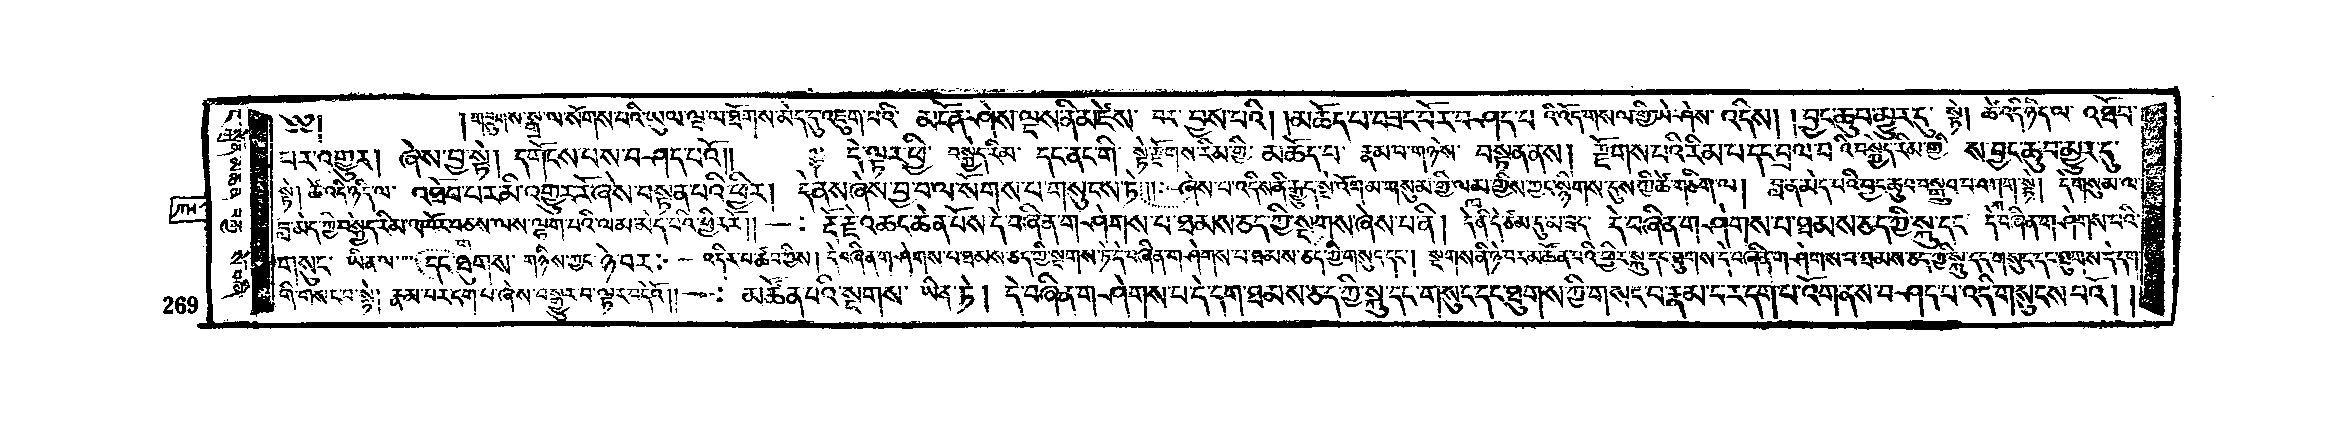༄༅། ། གཟུགས་སྒྲ་ལ་སོགས་པའི་ཡུལ་ལྔ་ལ་ཐོགས་མེད་དུ་འཇུག་པའི་མངོན་ཤེས་ལྔས་ནི་མཛེས་བར་བྱས་པའི། །མཆོད་པ་བཟང་པོར་བཤད་པའི་འོད་གསལ་གྱི་ཡེ་ཤེས་འདིས། །བྱང་ཆུབ་མྱུར་དུ་སྟེ། ཚེ་འདི་ཉིད་ལ་འཐོབ་
པར་འགྱུར། ཞེས་བྱ་སྟེ། དགོངས་པས་བཤད་པའོ།། ༈ དེ་ལྟར་ཕྱི་བསྐྱེད་རིམ་དང་ནང་གི་སྟེ་རྫོགས་རིམ་གྱི་མཆོད་པ་རྣམ་པ་གཉིས་བསྟན་ནས། རྫོགས་པའི་རིམ་པ་དང་བྲལ་བའི་བསྐྱེད་རིམ་གྱིས་བྱང་ཆུབ་མྱུར་དུ་
སྟེ། ཚེ་འདི་ཉིད་ལ་འཐོབ་པར་མི་འགྱུར་རོ་ཞེས་བསྟན་པའི་ཕྱིར། དེ་ནས་ཞེས་བྱ་བ་ལ་སོགས་པ་གསུངས་ཏེ།། H.་ཞེས་པ་འདིས་ནི་རྒྱུད་སྡེ་འོག་མ་གསུམ་གྱི་ལམ་གྱིས་ཀྱང་སྙིགས་དུས་ཀྱི་ཚེ་གཅིག་ལ། བླ་ན་མེད་པའི་བྱང་ཆུབ་བསྒྲུབ་པ་བཀག་སྟེ། དེ་གསུམ་ལ་
བླ་མེད་ཀྱི་བསྐྱེད་རིམ་འཁོར་བཅས་ལས་ལྷག་པའི་ལམ་མེད་པའི་ཕྱིར་རོ།། .H རྡོ་རྗེ་འཆང་ཆེན་པོས་དེ་བཞིན་གཤེགས་པ་ཐམས་ཅད་ཀྱི་སྔགས་ཞེས་པ་ནི། ཁ་དེ་ནི་དེ་ཙམ་དུ་མ་ཟད་དེ་བཞིན་གཤེགས་པ་ཐམས་ཅད་ཀྱི་སྐུ་དང་ཀ་དེ་བཞིན་གཤེགས་པའི
གསུང་ཡིན་ལ་དང་ག་ཐུགས་གཉིས་ཀྱང་ཉེ་བར་H.་འདིར་པ་ཚབ་ཀྱིས། དེ་བཞིན་གཤེགས་པ་ཐམས་ཅད་ཀྱི་སྔགས་ཏེ་དེ་བཞིན་གཤེགས་པ་ཐམས་ཅད་ཀྱི་གསུང་དང་། སྔགས་ནི་ཉེ་བར་མཚོན་པའི་ཕྱིར་སྐུ་དང་ཐུགས་དེ་བཞིན་གཤེགས་པ་ཐམས་ཅད་ཀྱི་སྐུ་དང་གསུང་དང་ཐུགས་དེ་དག་
གི་གསང་བ་སྟེ། རྣམ་པར་དག་པ་ཞེས་བསྒྱུར་བ་ལྟར་བདེའོ།། .H མཚོན་པའི་སྔགས་ཡིན་ཏེ། དེ་བཞིན་གཤེགས་པ་དེ་དག་ཐམས་ཅད་ཀྱི་སྐུ་དང་གསུང་དང་ཐུགས་ཀྱི་གསང་བ་རྣམ་པར་དག་པ་འོག་ནས་བཤད་པ་འདི་གསུངས་པའོ། །